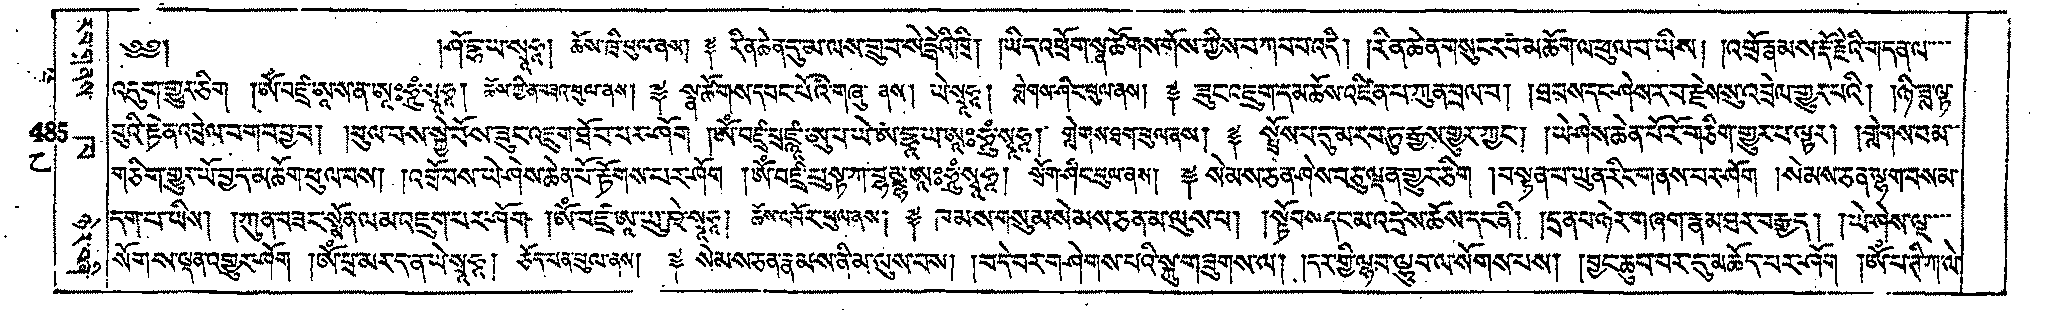༄༅། །ཤོ་དྷ་ཝ་སྭཱཧཱ། ཆོས་ཁྲི་ཕུལ་ནས།  འ་རིན་ཆེན་དུ་མ་ལས་གྲུབ་སེངྒེའི་ཁྲི། །ཡིད་འཕྲོག་སྣ་ཚོགས་གོས་ཀྱིས་བཀབ་པ་འདི། །རིན་ཆེན་གསུང་རབ་མཆོག་ལ་ཕུལ་བ་ཡིས། །འགྲོ་རྣམས་རྡོ་རྗེའི་གདན་ལ་
འདུག་གྱུར་ཅིག །ཨོཾ་བཛྲ་ཨཱ་ས་ན་འཿཧཱུཾ་སྭཱཧཱ། ཆོས་ཀྱི་ན་བཟའ་ཕུལ་ནས།  འ་སྣ་ཚོགས་དབང་པོའི་གཞུ་ནས། ཡེ་སྭཱཧཱ། གླེགས་ཤིང་ཕུལ་ནས།  འ་ཟུང་འཇུག་དམ་ཆོས་འཛིན་པ་ཀུན་བྲལ་བ། །ཐབས་དང་ཤེས་རབ་རྗེས་སུ་འབྲེལ་གྱུར་པའི། །ཉི་ཟླ་ལྟ་
བུའི་རྟེན་འབྲེལ་བགབ་བྱ་བ། །ཕུལ་བས་སྐྱེ་བོས་ཟུང་འཇུག་ཐོབ་པར་ཤོག །ཨོཾ་བཛྲ་པྲཛྙཱ་ཨུ་པ་ཡེ་ཨ་དྷཱ་ཡ་ཨཱཿཧཱུཾ་སྭཱཧཱ། གླེགས་ཐག་ཕུལ་ནས།  འ་སྤྲོས་པ་དུ་མ་རབ་ཏུ་རྒྱས་གྱུར་ཀྱང་། །ཡེ་ཤེས་ཆེན་པོ་རོ་གཅིག་གྱུར་པ་ལྟར། །གླེགས་བམ་
གཅིག་གྱུར་ཡོ་བྱད་མཆོག་ཕུལ་བས། །འགྲོ་བས་ཡེ་ཤེས་ཆེན་པོ་རྟོགས་པར་ཤོག །ཨོཾ་བཛྲ་པུསྟ་ཀ་བྷ་ནྡྷ་ཨཱཿཧཱུཾ་སྭཱ་ཧཱ། སྲོག་ཤིང་ཕུལ་ནས།  འ་སེམས་ཅན་ཤེས་བཅུ་ལྡན་གྱུར་ཅིག །བསྟན་པ་ཡུན་རིང་གནས་པར་ཤོག །སེམས་ཅན་ལྷག་བསམ་
དག་པ་ཡིས། །ཀུན་བཟང་སྨོན་ལམ་འཇུག་པར་ཤོག །ཨོཾ་བཛྲ་ཨཱ་ཡུ་ཥྲེ་སྭཱཧཱ། ཆོས་འཁོར་ཕུལ་ནས།  འ་ཁམས་གསུམ་སེམས་ཅན་མ་ལུས་པ། །སྟོབས་དང་མ་འདྲེས་ཆོས་དང་ནི། །དྲན་པ་ཉེར་གཞག་རྣམ་ཐར་བརྒྱད། །ཡེ་ཤེས་ལྔ་
སོགས་ལྡན་འགྱུར་ཤོག །ཨོཾ་པྲ་མར་ད་ན་ཡེ་སྭཱཧཱ། ཅོད་པན་ཕུལ་ནས།  འ་སེམས་ཅན་རྣམས་ནི་ལུས་པས། །བདེ་བར་གཤེགས་པའི་སྐུ་གཟུགས་ལ། །དར་གྱི་ལྷབ་ལྷུབ་ལ་སོགས་པས། །བྱང་ཆུབ་བར་དུ་མཆོད་པར་ཤོག །ཨོཾ་པ་ཏི་ཀ་ལེ་